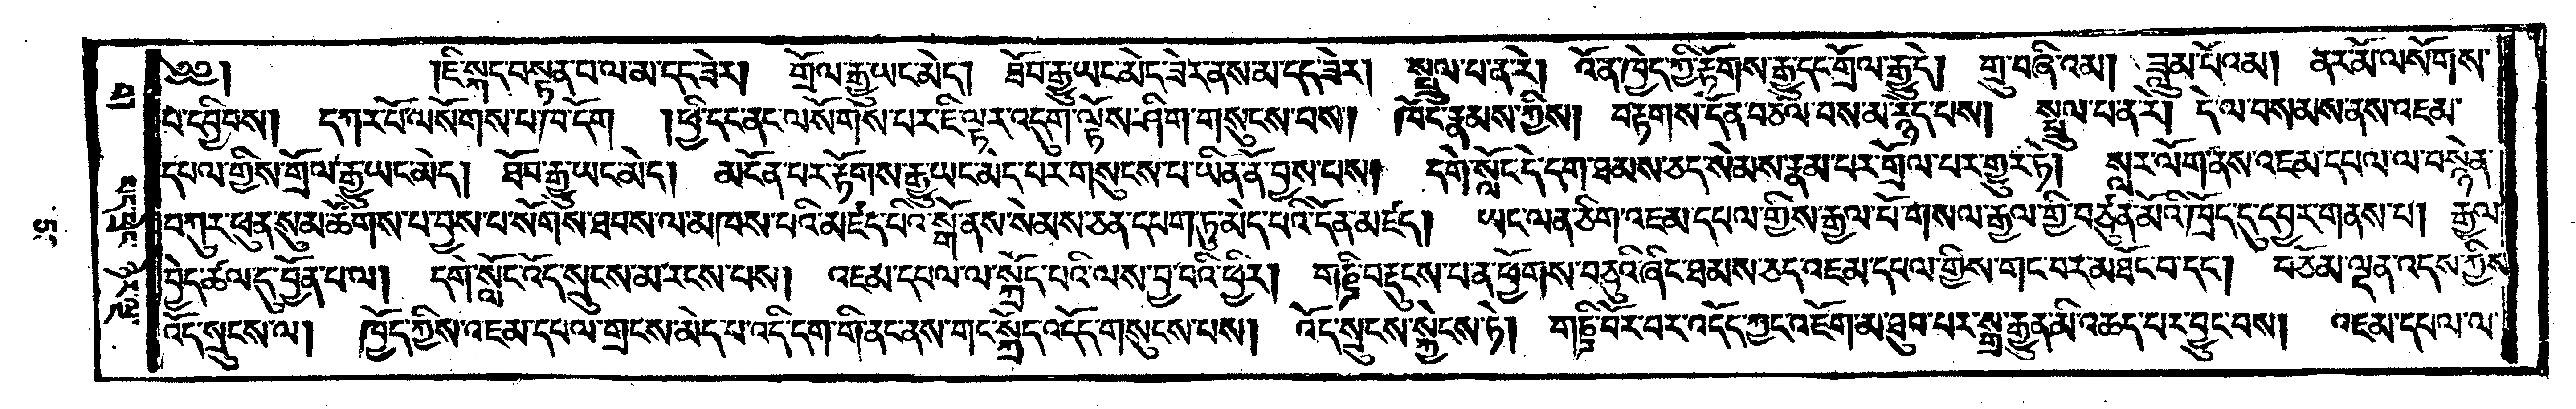༄༅། །ཇི་སྐད་བསྟན་པ་ལ་མ་དང་ཟེར། གྲོལ་རྒྱུ་ཡང་མེད། ཐོབ་རྒྱུ་ཡང་མེད་ཟེར་ནས་མ་དད་ཟེར། སྤྲུལ་པ་ན་རེ། འོ་ན་ཁྱེད་ཀྱི་རྟོགས་རྒྱུ་དང་གྲོལ་རྒྱུ་དེ། གྲུ་བཞི་འམ། ཟླུམ་པོའམ། ནར་མོ་ལ་སོགས་
པ་དབྱིབས། དཀར་པོ་ལ་སོགས་པ་ཁ་དོག །ཕྱི་དང་ནང་ལ་སོགས་པར་ཇི་ལྟར་འདུག་ལྟོས་ཤིག་གསུངས་པས། ཁོང་རྣམས་ཀྱིས། བརྟགས་དོན་བཙལ་བས་མ་རྙེད་པས། སྤྲུལ་པ་ན་རེ། དེ་ལ་བསམས་ནས་འཇམ་
དཔལ་གྱིས་གྲོལ་རྒྱུ་ཡང་མེད། ཐོབ་རྒྱུ་ཡང་མེད། མངོན་པར་རྟོགས་རྒྱུ་ཡང་མེད་པར་གསུངས་པ་ཡིན་ནོ་བྱས་པས། དགེ་སློང་དེ་དག་ཐམས་ཅད་སེམས་རྣམ་པར་གྲོལ་པར་གྱུར་ཏེ། སླར་ལོག་ནས་འཇམ་དཔལ་ལ་བསྙེན་
བཀུར་ཕུན་སུམ་ཚོགས་པ་བྱས་པ་སོགས་ཐབས་ལ་མཁས་པའི་མཛད་པའི་སྒོ་ནས་སེམས་ཅན་དཔག་ཏུ་མེད་པའི་དོན་མཛད། ཡང་ལན་ཅིག་འཇམ་དཔལ་གྱིས་རྒྱལ་པོ་གསལ་རྒྱལ་གྱི་བཙུན་མོའི་ཁྲོད་དུ་དབྱར་གནས་པ། རྒྱལ་
བྱེད་ཚལ་དུ་བྱོན་པ་ལ། དགེ་སློང་འོད་སྲུངས་མ་རངས་པས། འཇམ་དཔལ་ལ་སྐྲོད་པའི་ལས་བྱ་བའི་ཕྱིར། གཎྜི་བརྡུངས་པ་ན་ཕྱོགས་བཅུའི་ཞིང་ཐམས་ཅད་འཇམ་དཔལ་གྱིས་གང་བར་མཐོང་བ་དང་། བཅོམ་ལྡན་འདས་ཀྱིས་
འོད་སྲུངས་ལ། ཁྱོད་ཀྱིས་འཇམ་དཔལ་གྲངས་མེད་པ་འདི་དག་གི་ནང་ནས་གང་སྐྲོད་འདོད་གསུངས་པས། འོད་སྲུངས་སྐྱེངས་ཏེ། གཎྜི་བོར་བར་འདོད་ཀྱང་འཇོག་མ་ཐུབ་པར་སྒྲ་རྒྱུན་མི་འཆད་པར་བྱུང་བས། འཇམ་དཔལ་ལ་